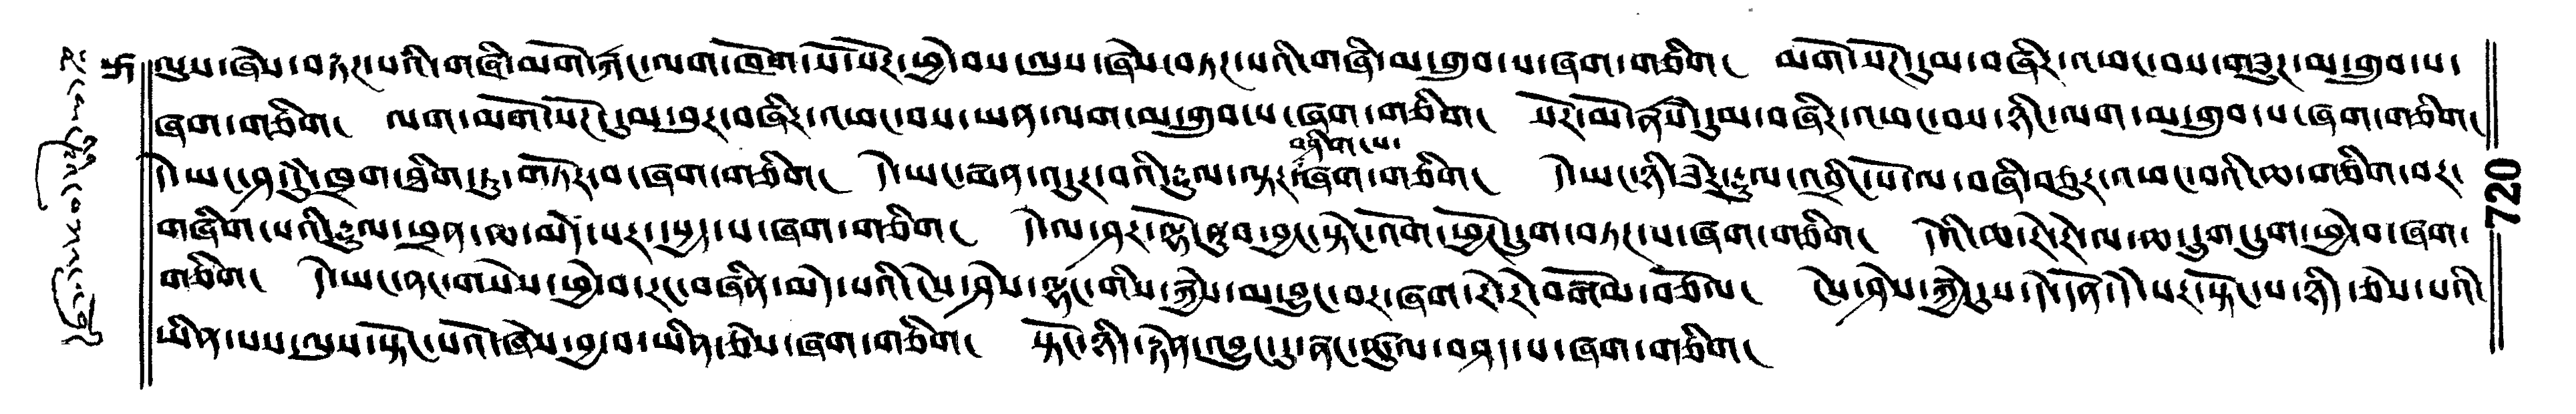ལུས་ཞེས་བརྟགས་པའི་གཞི་མགོ་རྐང་ལག་ཁོག་སོ་སོར་ཕྱེ་བས་ལུས་ཞེས་བཏགས་པའི་གཞི་མ་གྲུབ་པ་ཞག་གཅིག མགོ་སོགས་དུམ་བཞིར་འཕང་བས་གཟུགས་མ་གྲུབ་པ་
ཞག་གཅིག ལག་མགོ་སོགས་དུམ་བུར་བཞིར་འཕང་བས་ཡན་ལག་མ་གྲུབ་པ་ཞག་གཅིག སོར་མོ་རྣམས་དུམ་བཞིར་འཕང་བས་ཉིང་ལག་མ་གྲུབ་པ་ཞག་གཅིག 
དེ་ཡང་ཤ་དུམ་ཁྲག་ཐིག་ཏུ་གཏོར་བ་ཞག་གཅིག དེ་ཡང་སྨན་འདུར་བའི་རྡུལ་ལྟར་བཤིག་པ་ཞག་གཅིག དེ་ཡང་ཉི་ཟེར་རྡུལ་འབྲིང་པོ་ལ་བཞི་བཅུར་འཕང་བའི་ཆ་གཅིག་བར་
གཞིག་པའི་རྡུལ་ཕྲན་ཆ་མེད་པར་དཔྱད་པ་ཞག་གཅིག དེ་ལ་ཤར་ལྷོ་ནུབ་བྱང་སྟེང་འོག་ཕྱོགས་དྲུག་བརྟག་པ་ཞག་གཅིག དེའི་ཆ་རེ་རེ་ལ་ཆ་དྲུག་དྲུག་ཕྱེ་བ་ཞག་
གཅིག དེ་ཡང་ནང་གསེས་ཕྱེ་བ་རང་བཞིན་མེད་པའི་ངེས་ཤེས་ལྷང་གིས་སྐྱེས་མ་བྱུང་བར་ཞག་རེ་རེ་བསྒོམ་བཅོལ། ངེས་ཤེས་སྐྱེ་དུས་དེ་དོན་དམ་པར་སྟོང་པ་ཉིད་ཅེས་པའི་
ཡིན་པས་ལུས་སྟོང་པའོ་ཞེས་བྱས་བ་ཡིན་ཅེས་ཞག་གཅིགསྟོང་ཉིད་རྟེན་འབྱུང་དུ་སྣང་ཚུལ་བཤད་པ་ཞག་གཅིག